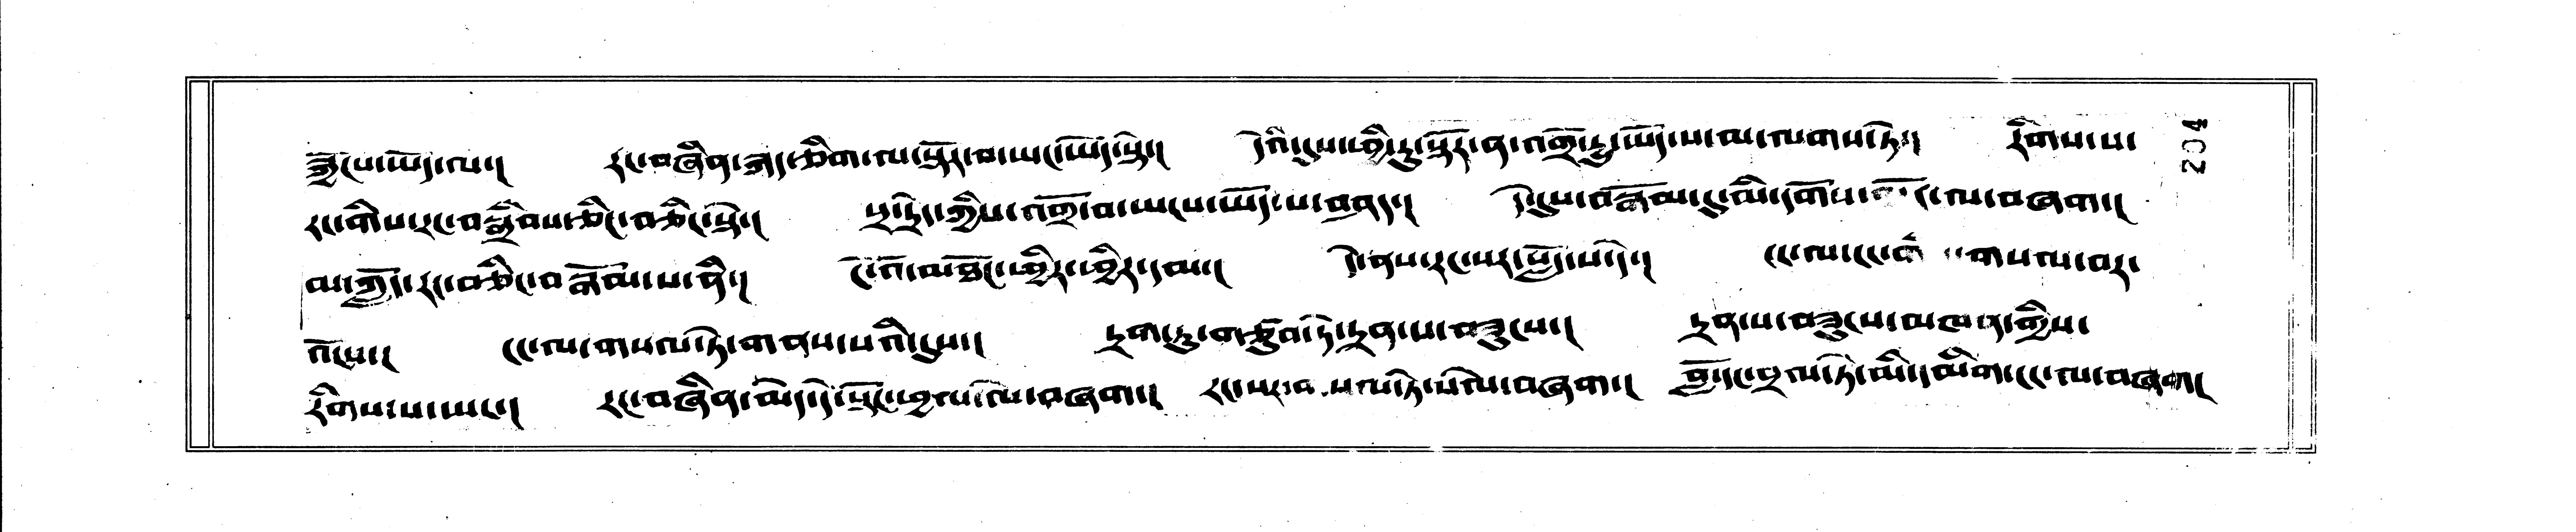སྐྱོངས་དུས་ལ། རང་བཞིན་སྐད་ཅིག་གིས་གཏོར་བ་ཡང་ཡོད་དེ། དེའི་དུས་ཕྱི་རུ་གཏོར་ཏེ་འགྲོ་རྒྱུ་ཡོད་པ་མ་ལགས་ཏེ། རིག་པ་
རང་གིས་རང་སྒྲིབ་ཅིང་བཅིང་སྟེ། སྲ་དྲེད་ཀྱིས་འགྲོ་བར་ཡོད་པར་བཤད། དེ་དུས་སྒོམ་དུ་མི་དགོས་ཀློད་ལ་བཞག 
མ་ཀློད་རང་བཅིང་སྒོམ་པས་ན། ངོའོ་མི་མཐོང་ཕྱི་ཕྱིར་དམ། དེ་ནས་རང་སར་ཀློད་པ་དེ། ངང་ལ་ངང་གིས་གསལ་བར་
འོང་། ངང་ལ་གསལ་ཏེ་གནས་པའི་དུས། དྲག་ཏུ་གཅུན་ཏེ་དྲན་པས་བཟུངས། དྲན་པས་བཟུངས་མཁན་གྱི་
རིག་པ་ཡང་། རང་བཞིན་མེད་དེ་སྟོང་ཕྱལ་ལེ་བཞག རང་སར་གསལ་ཏེ་སལེ་བཞག བློ་དང་བྲལ་ཏེ་མི་དམིགས་ངང་ལ་བཞག